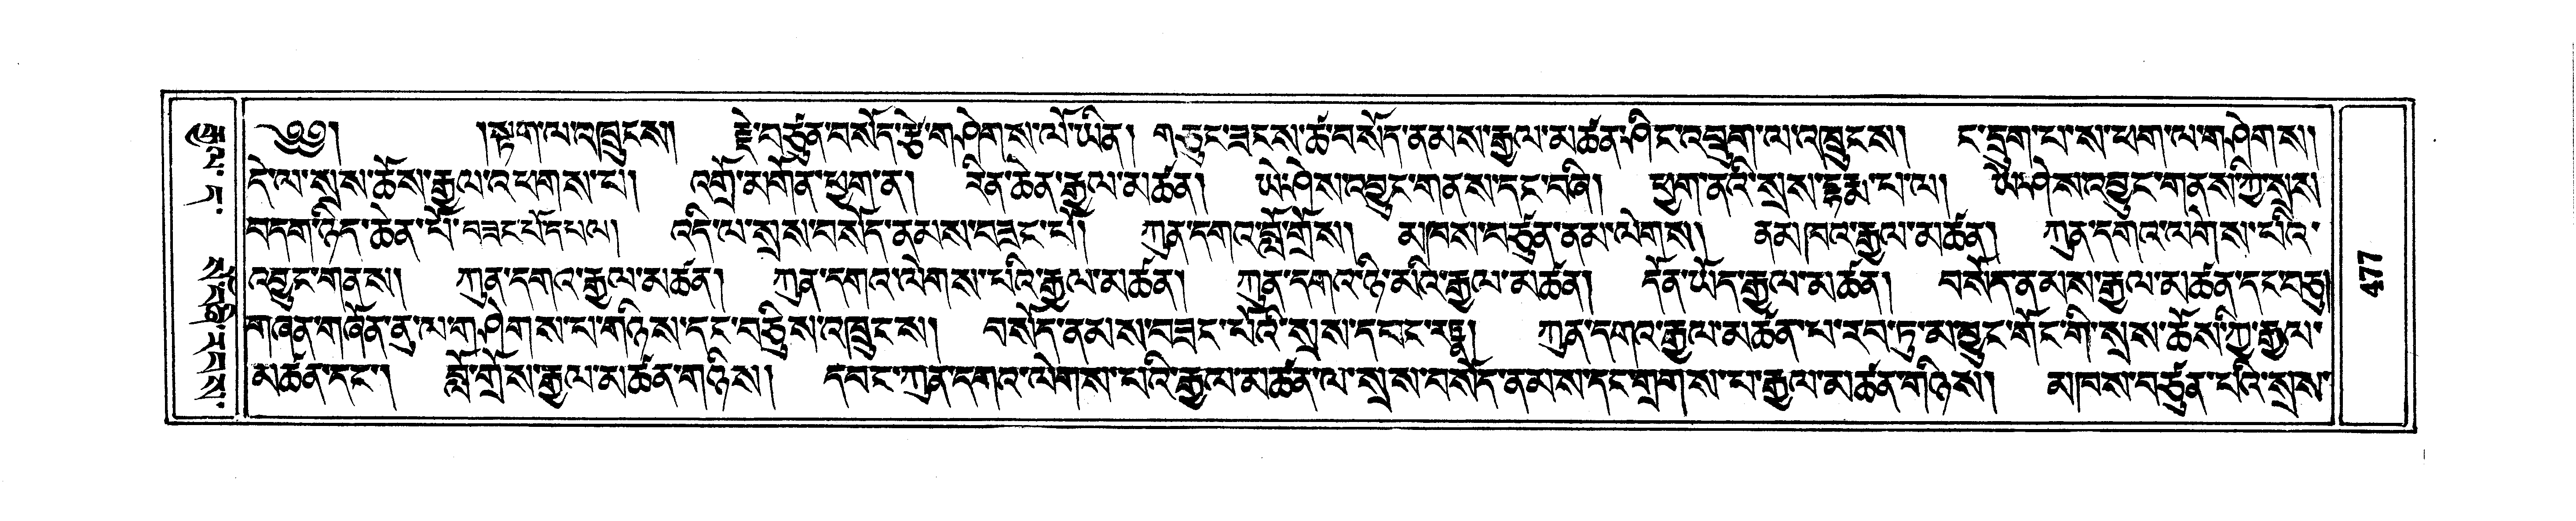༄༅། །སྟག་ལ་འཁྲུངས། རྗེ་བཙུན་བསོད་རྩེ་གཤེགས་ལོ་ཡིན། གཅུང་ཟངས་ཚ་བསོད་ནམས་རྒྱལ་མཚན་ཤིང་འབྲུག་ལ་འཁྲུངས། ང་དྲུག་པ་ས་ཕག་ལ་གཤེགས།
དེ་ལ་སྲས་ཆོས་རྒྱལ་འཕགས་པ། འགྲོ་མགོན་ཕྱག་ན། རིན་ཆེན་རྒྱལ་མཚན། ཡེ་ཤེས་འབྱུང་གནས་དང་བཞི། ཕྱག་ནའི་སྲས་དྷརྨ་པ་ལ། ཡེ་ཤེས་འབྱུང་གནས་ཀྱི་སྲས་
བདག་ཉིད་ཆེན་པོ་བཟང་པོ་དཔལ།  འདི་ལ་སྲས་བསོད་ནམས་བཟང་པོ། ཀུན་དགའ་བློ་གྲོས། མཁས་བཙུན་ནམ་ལེགས། ནམ་ཁའ་རྒྱལ་མཚན། ཀུན་དགའ་ལེགས་པའི་
འབྱུང་གནས། ཀུན་དགའ་རྒྱལ་མཚན། ཀུན་དགའ་ལེགས་པའི་རྒྱལ་མཚན། ཀུན་དགའ་ཉི་མའི་རྒྱལ་མཚན། དོན་ཡོད་རྒྱལ་མཚན། བསོད་ནམས་རྒྱལ་མཚན་དང་བཅུ།
གཞན་གཞོན་ནུ་ལ་གཤེགས་པ་གཉིས་དང་བཅུཨིས་འཁྲུངས། བསོད་ནམས་བཟང་པོའི་སྲས་དབང་རཏྣ། ཀུན་དགའ་རྒྱལ་མཚན་པ་རབ་ཏུ་མ་བྱུང་གོང་གི་སྲས་ཆོས་ཀྱི་རྒྱལ་
མཚན་དང་། བློ་གྲོས་རྒྱལ་མཚན་གཉིས། དབང་ཀུན་དགའ་ལེགས་པའི་རྒྱལ་མཚན་ལ་སྲས་བསོད་ནམས་དང་གྲགས་པ་རྒྱལ་མཚན་གཉིས། མཁས་བཙུན་པའི་སྲས་